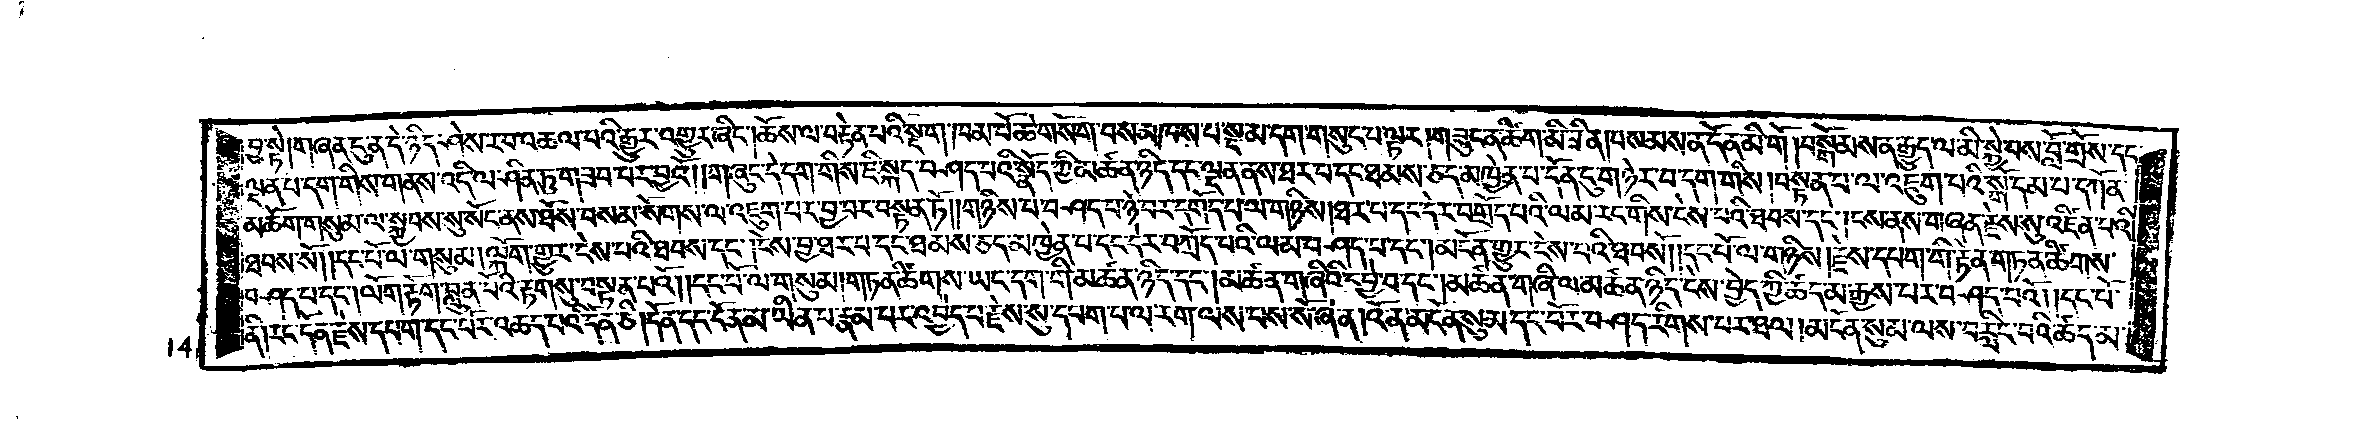བྱ་སྟེ། གཞན་དུ་ན་དེ་ཉིད་ཤེས་རབ་འཚལ་བའི་རྒྱུར་འགྱུར་ཞིང་། ཆོས་ལ་བརྟེན་པའི་སྔག་?་ཁམ་པོ་ཆེ་གསོག་པས་མཁས་པ་སྔ་མ་དག་གསུང་པ་ལྟར། གཟུང་ན་ཚིག་མི་ཟིན། བསམས་ན་དོན་མི་གོ །བསྒོམས་ན་རྒྱུད་ལ་མི་སྐྱེ་བས་བློ་གྲོས་དང་
ལྡན་པ་དག་གིས་གནས་འདི་ལ་ཤིན་ཏུ་གཟབ་པར་བྱའོ། །གཞུང་དེ་དག་གིས་ཇི་སྐད་བཤད་པའི་སྡོད་ཀྱི་མཚན་ཉིད་དང་ལྡན་ནས་ཐར་པ་དང་ཐམས་ཅད་མཁྱེན་པ་དོན་དུ་གཉེར་བ་དག་གིས། བསྟན་པ་ལ་འཇུག་པའི་སྒོ་དམ་པ་དཀོན་
མཆོག་གསུམ་ལ་སྐྱབས་སུ་སོང་ནས་ཐོས་བསམ་སོགས་ལ་འཇུག་པར་བྱ་བར་བསྟན་ཏོ། །གཉིས་པ་བཤད་པ་ཉེ་བར་དགོད་པ་ལ་གཉིས། ཐར་པ་དང་དེར་བགྲོད་པའི་ལམ་རང་གིས་ངེས་པའི་ཐབས་དང་། ངས་ནས་གཞན་རྗེས་སུ་འཛིན་པའི་
ཐབས་སོ། །དང་པོ་ལ་གསུམ། ལྐོག་གྱུར་ངེས་པའི་ཐབས་དང་། ངེས་བྱ་ཐར་པ་དང་ཐམས་ཅད་མཁྱེན་པ་དང་དེར་བགྲོད་པའི་ལམ་བཤད་པ་དང་། མངོན་གྱུར་ངེས་པའི་ཐབས་སོ། །དང་པོ་ལ་གཉིས། རྗེས་དཔག་གི་རྟེན་གཏན་ཚིགས་
བཤད་པ་དང་། ལོག་རྟོག་བླུན་པོའི་རྟགས་སུ་བསྟན་པའོ། །དང་པོ་ལ་གསུམ། གཏན་ཚིགས་ཡང་དག་གི་མཚན་ཉིད་དང་། མཚན་གཞིའི་དབྱེ་བ་དང་། མཚན་གཞི་ལ་མཚན་ཉིད་ངེས་བྱེད་ཀྱི་ཚད་མ་རྒྱས་པར་བཤད་པའོ། །དང་པོ་
ནི། རང་དོན་རྗེས་དཔག་དང་པོར་འཆད་པའི་དོན་ཅི། དོན་དང་དོན་མ་ཡིན་པ་རྣམ་པར་འབྱེད་པ་རྗེས་སུ་དཔག་པ་ལ་རག་ལས་པས་སོ་ཞེ་ན། འོ་ན་མངོན་སུམ་དང་པོར་བཤད་རིགས་པར་ཐལ། །མངོན་སུམ་ལས་བརླིང་བའི་ཚད་མ་